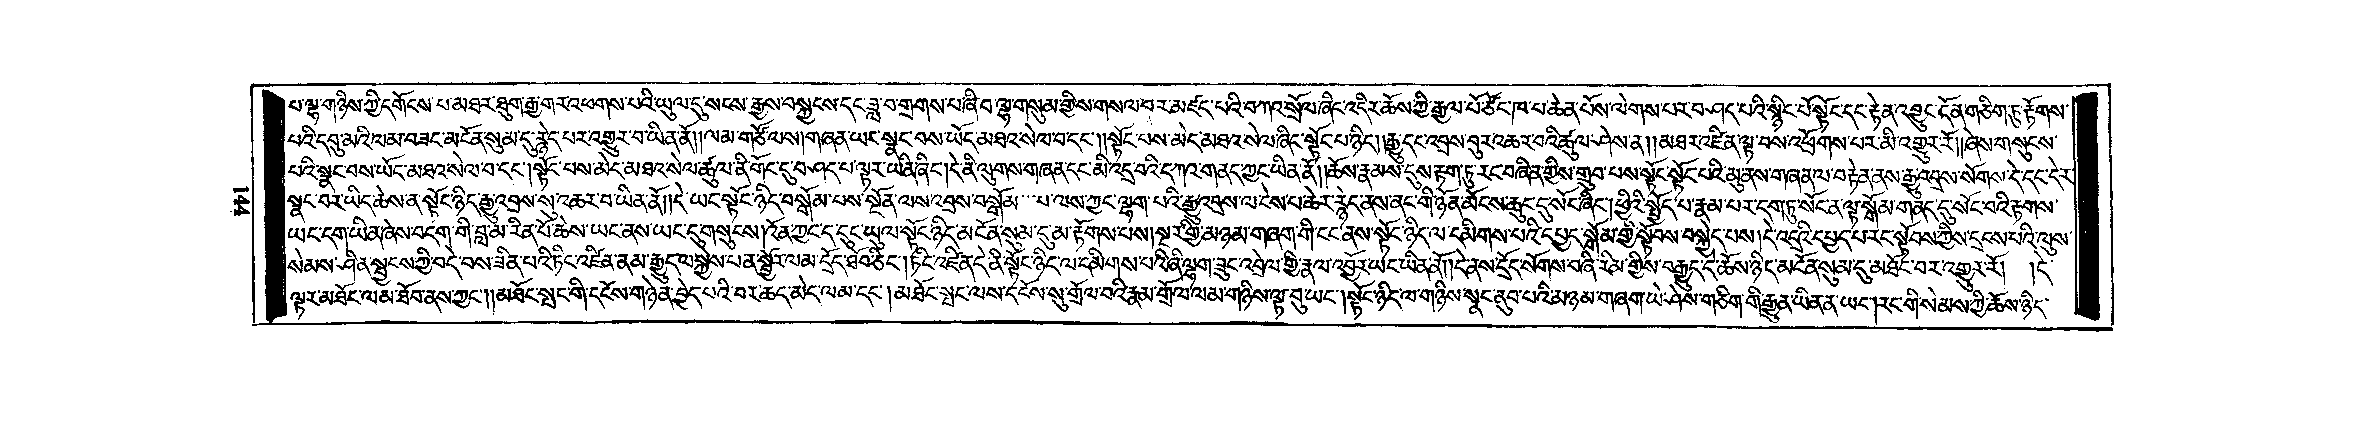པ་ལྷ་གཉིས་ཀྱི་དགོངས་པ་མཐར་ཐུག་རྒྱ་གར་འཕགས་པའི་ཡུལ་དུ་སངས་རྒྱས་བསྐྱངས་དང་ཟླ་བ་གྲགས་པ་ཞི་བ་ལྷ་གསུམ་གྱིས་གསལ་བར་མཛད་པའི་བཀའ་སྲོལ་ཞིང་འདིར་ཆོས་ཀྱི་རྒྱལ་པོ་ཙོང་ཁ་པ་ཆེན་པོས་ལེགས་པར་བཤད་པའི་སྙིང་པོ་སྟོང་དང་རྟེན་འབྱུང་དོན་གཅིག་ཏུ་རྟོགས་
པའི་དབུ་མའི་ལམ་བཟང་མངོན་སུམ་དུ་རྙེད་པར་འགྱུར་བ་ཡིན་ནོ། །ལམ་གཙོ་ལས། གཞན་ཡང་སྣང་བས་ཡོད་མཐའ་སེལ་བ་དང་། །སྟོང་པས་མེད་མཐའ་སེལ་ཞིང་སྟོང་པ་ཉིད། །རྒྱུ་དང་འབྲས་བུར་འཆར་བའི་ཚུལ་ཤེས་ན། །མཐར་འཛིན་ལྟ་བས་འཕྲོགས་པར་མི་འགྱུར་རོ། །ཞེས་གསུངས་
པའི་སྣང་བས་ཡོད་མཐའ་སེལ་བ་དང་། སྟོང་པས་མེད་མཐའ་སེལ་ཚུལ་ནི་གོང་དུ་བཤད་པ་ལྟར་ཡིན་ཞིང་། དེ་ནི་ལུགས་གཞན་དང་མི་འདྲ་བའི་དཀའ་གནད་ཀྱང་ཡིན་ནོ། །ཆོས་རྣམས་དུས་རྟག་ཏུ་རང་བཞིན་གྱིས་གྲུབ་པས་སྟོང་སྟོང་པའི་མུ་ནས་གཞན་ལ་བརྟེན་ནས་རྒྱུ་འབྲས་སོགས་དེ་དང་དེར་
སྣང་བར་ཡིད་ཆེས་ན་སྟོང་ཉིད་རྒྱུ་འབྲས་སུ་འཆར་བ་ཡིན་ནོ། །དེ་ཡང་སྟོང་ཉིད་བསྒོམ་པས་སྔོན་ལས་འབྲས་བསྒོམ་པ་ལས་ཀྱང་ལྷག་པའི་རྒྱུ་འབྲས་ལ་ངེས་པ་ཆེར་རྙེད་ནས་ནང་གི་ཉོན་མོངས་ཆུང་དུ་སོང་ཞིང་། ཕྱིའི་སྤྱོད་པ་རྣམ་པར་དག་ཏུ་སོང་ན་ལྟ་སྒོམ་གནད་དུ་སོང་བའི་རྟགས་
ཡང་དག་ཡིན་ཞེས་བདག་གི་བླ་མ་རིན་པོ་ཆེས་ཡང་ནས་ཡང་དུ་གསུངས། འོན་ཀྱང་ད་དུང་ཡུལ་སྟོང་ཉིད་མངོན་སུམ་དུ་མ་རྟོགས་པས། སྔར་གྱི་མཉམ་གཞག་གི་ངང་ནས་སྟོང་ཉིད་ལ་དམིགས་པའི་དཔྱད་སྒོམ་གྱི་སྟོབས་བསྐྱེད་པས། དེ་འདྲའི་དཔྱད་པ་རང་སྟོབས་ཀྱིས་དྲངས་པའི་ལུས་
སེམས་ཤིན་སྦྱངས་ཀྱི་བདེ་བས་ཟིན་པའི་ཏིང་འཛིན་ནམ་རྒྱུད་ལ་སྐྱེས་པ་ན་སྦྱོར་ལམ་དྲོད་ཐོབ་ཅིང་། ཏིང་འཛིན་དེ་ནི་སྟོང་ཉིད་ལ་དམིགས་པའི་ཞི་ལྷག་ཟུང་འབྲེལ་གྱི་རྣལ་འབྱོར་ཡང་ཡིན་ནོ། །དེ་ནས་དྲོད་སོགས་བཞི་རིམ་གྱིས་བརྒྱུད་དེ་ཆོས་ཉིད་མངོན་སུམ་དུ་མཐོང་བར་འགྱུར་རོ། །དེ་
ལྟར་མཐོང་ལམ་ཐོབ་ནས་ཀྱང་། །མཐོང་སྤང་གི་དངོས་གཉེན་བྱེད་པའི་བར་ཆད་མེད་ལམ་དང་། མཐོང་སྤང་ལས་དངོས་སུ་གྲོལ་བའི་རྣམ་གྲོལ་ལམ་གཉིས་ལྟ་བུ་ཡང་། སྟོང་ཉིད་ལ་གཉིས་སྣང་ནུབ་པའི་མཉམ་གཞག་ཡེ་ཤེས་གཅིག་གི་རྒྱུན་ཡིན་ན་ཡང་། རང་གི་སེམས་ཀྱི་ཆོས་ཉིད་